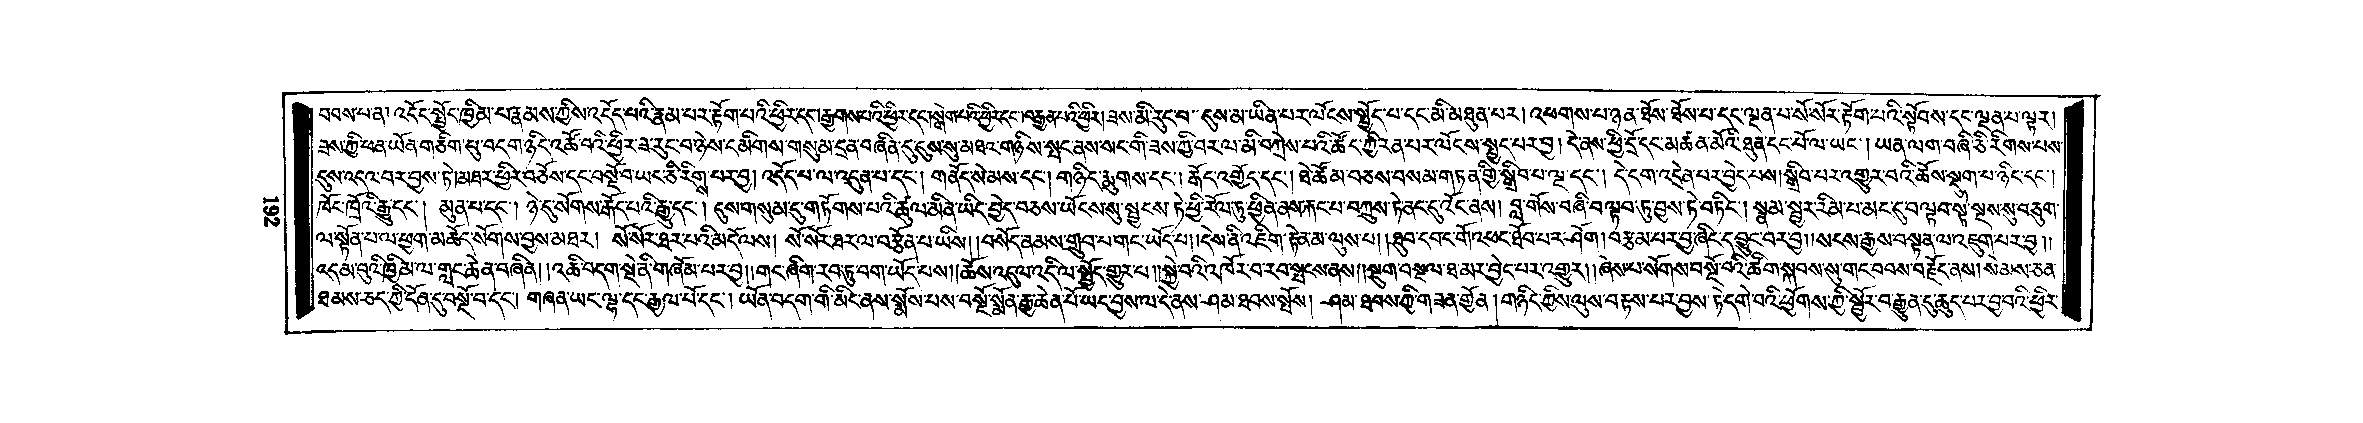བབས་པ་ན། འདོད་སྤྱོད་ཁྱིམ་པ་རྣམས་ཀྱིས་འདོད་པའི་རྣམ་པར་རྟོག་པའི་ཕྱིར་དང་། རྒྱགས་པའི་ཕྱིར་དང་། སྒེག་པའི་ཕྱིར་དང་། བརྒྱན་པའི་ཕྱིར། ཟས་མི་རུང་བ་དུས་མ་ཡིན་པར་ལོངས་སྤྱོད་པ་དང་མི་མཐུན་པར། འཕགས་པ་ཉན་ཐོས་ཐོས་པ་དང་ལྡན་པ་སོ་སོར་རྟོག་པའི་སྟོབས་དང་ལྡན་པ་ལྟར།
ཟས་ཀྱི་ཕན་ཡོན་གཅིག་པུ་བདག་ཉིད་འཚོ་བའི་ཕྱིར་ཟ་རུང་བ་ཉེས་དམིགས་གསུམ་དྲན་བཞིན་དུ་དུས་སུ་མཐའ་གཉིས་སྤང་ནས་སང་གི་ཟས་ཀྱི་བར་ལ་མི་བཀྲེས་པའི་ཚོད་ཀྱི་རན་པར་ལོངས་སྤྱད་པར་བྱ། དེ་ནས་ཕྱི་དྲོ་དང་མཚན་མོའི་ཐུན་དང་པོ་ལ་ཡང་། ཡན་ལག་བཞི་ཅི་རིགས་པས་
དུས་འདའ་བར་བྱས་ཏེ། མཐར་ཕྱིར་བཅོས་དང་བསྔོ་བ་ཡང་ཅི་རིགས་པར་བྱ། འདོད་པ་ལ་འདུན་པ་དང་། གནོད་སེམས་དང་། གཉིད་རྨུགས་དང་། རྒོད་འགྱོད་དང་། ཐེ་ཚོམ་བཅས་བསམ་གཏན་གྱི་སྒྲིབ་པ་ལྔ་དང་། དེ་དག་འདྲེན་པར་བྱེད་པས། སྒྲིབ་པར་འགྱུར་བའི་ཆོས་སྡུག་པ་ཉིད་དང་།
ཁོང་ཁྲོའི་རྒྱུ་དང་། མུན་པ་དང་། ཉེ་དུ་སོགས་རྒོད་པའི་རྒྱུ་དང་། དུས་གསུམ་དུ་གཏོགས་པའི་ཚུལ་མིན་ཡིད་བྱེད་བཅས་ཡོངས་སུ་སྦྱངས་ཏེ་ཕྱི་རོལ་ཏུ་ཕྱིན་ནས་རྐང་པ་བཀྲུས་ཏེ་ནང་དུ་འོང་ནས། བླ་གོས་བཞི་བལྟབ་ཏུ་བྱས་ཏེ་བཏིང་། སྣམ་སྦྱར་རིམ་པ་མང་དུ་བལྟབ་སྟེ་སྔས་སུ་བཅུག་
ལ་སྟོན་པ་ལ་ཕྱག་མཆོད་སོགས་བྱས་མཐར། སོ་སོར་ཐར་པའི་མདོ་ལས། སོ་སོར་ཐར་ལ་བརྩོན་པ་ཡིས། །བསོད་ནམས་གྲུབ་པ་གང་ཡོད་པ། །དེས་ནི་འཇིག་རྟེན་མ་ལུས་པ། །ཐུབ་དབང་གོ་འཕང་ཐོབ་པར་ཤོག །བརྩམ་པར་བྱ་ཞིང་དབྱུང་བར་བྱ། །སངས་རྒྱས་བསྟན་ལ་འཇུག་པར་བྱ། །
འདམ་བུའི་ཁྱིམ་ལ་གླང་ཆེན་བཞིན། །འཆི་བདག་སྡེ་ནི་གཞོམ་པར་བྱ། །གང་ཞིག་རབ་ཏུ་བག་ཡོད་པས། །ཆོས་འདུལ་འདི་ལ་སྤྱོད་གྱུར་པ། །སྐྱེ་བའི་འཁོར་བ་རབ་སྤངས་ནས། །སྡུག་བསྔལ་ཐ་མར་བྱེད་པར་འགྱུར། །ཞེས་པ་སོགས་བསྔོ་བའི་ཚིག་སྐབས་སུ་གང་བབས་བརྗོད་ནས། སེམས་ཅན་
ཐམས་ཅད་ཀྱི་དོན་དུ་བསྔོ་བ་དང་། གཞན་ཡང་ལྷ་དང་རྒྱལ་པོ་དང་། ཡོན་བདག་གི་མིང་ནས་སྨོས་པས་བསྔོ་སྨོན་རྒྱ་ཆེན་པོ་ཡང་བྱས་ལ་དེ་ནས་ཤམ་ཐབས་སྤོས། ཤམ་ཐབས་ཀྱི་གཞན་གྱོན། གཉིད་ཀྱིས་ལུས་བརྟས་པར་བྱས་ཏེ་དགེ་བའི་ཕྱོགས་ཀྱི་སྦྱོར་བ་རྒྱུན་དུ་ཆུད་པར་བྱ་བའི་ཕྱིར་